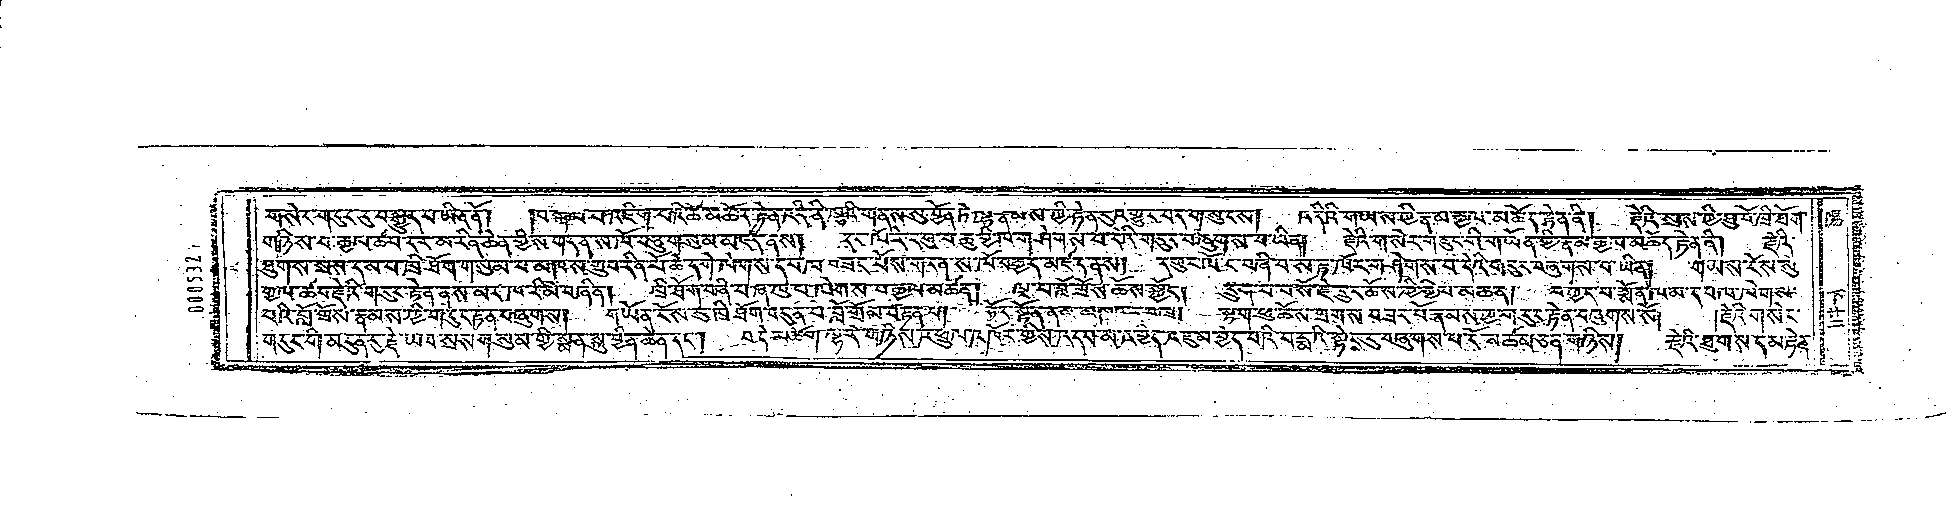གསེར་གདུང་དུ་བསྒྱུར་པ་ཡིན་ནོ། །བསྐལ་པ་འཇིག་པའི་ཚེ་མཆོད་རྟེན་འདི་ནི་ལྷའི་གནས་སུ་བྱོན་ཏེ་ལྷ་རྣམས་ཀྱི་རྟེན་དུ་འགྱུར་བར་གསུངས། འདིའི་གཡས་ཀྱི་རྣམ་རྒྱལ་མཆོད་རྟེན་ནི། རྗེའི་སྲས་ཀྱི་ཐུ་བོ་ཁྲི་ཐོག་
གཉིས་པ་རྒྱལ་ཚབ་དར་མ་རིན་ཆེན་གྱིས་གདན་ས་ལོ་བཅུ་གསུམ་མཛད་ནས། རང་ལོ་རེ་དགུ་པ་ཆུ་བྱི་ལ་གཤེགས་པ་དེའི་གདུང་བཞུགས་པ་ཡིན། རྗེའི་གསེར་གདུང་གི་གཡོན་གྱི་རྣམ་རྒྱལ་མཆོད་རྟེན་ནི། རྗེའི་
ཐུགས་སྲས་དམ་པ་ཁྲི་ཐོག་གསུམ་པ་མཁས་གྲུབ་རིན་པོ་ཆེ་དགེ་ལེགས་དཔལ་བཟང་པོས་གདན་ས་ལོ་བརྒྱད་མཛད་ནས། དགུང་ལོ་ང་བཞི་པ་ས་རྟ་ལོར་གཤེགས་བ་དེའི་གདུང་བཞུགས་བ་ཡིན། གཡས་ངོས་སུ་
རྒྱལ་ཚབ་རྗེའི་གདུང་རྟེན་ནས་མར་ལ་རིམ་བཞིན། ཁྲི་ཐོག་བཞི་པ་ཞ་ལུ་པ་ལེགས་བ་རྒྱལ་མཚན། ལྔ་པ་བློ་གྲོས་ཆོས་སྐྱོང་། དྲུག་པ་བ་སོ་རྗེ་དྲུང་ཆོས་ཀྱི་རྒྱལ་མཚན། བཀྱད་པ་སྨོན་ལམ་དཔལ་ལེགས་
པའི་བློ་གྲོས་རྣམས་ཀྱི་གདུང་རྟན་བཞུགས། གཡོན་ངོས་སུ་ཁྲི་ཐོག་བདུན་པ་བློ་གྲོས་བརྟན་པ། ཧོར་སྟོན་ནམ་མཁའ་རབ་ཁྲ། སྟག་ཕུ་ཆོས་གྲགས་བཟང་པོ་རྣམས་ཀྱི་གདུང་རྟེན་བཞུགས་སོ། །རྗེའི་གསེར་
གདུང་གི་མདུན་དུ་རྗེ་ཡབ་སྲས་གསུམ་གྱི་སྨན་སྐུ་བྱིན་ཆེན་དང་། བདེ་མཆོག་ལྷ་རེ་གཉིས་འཕྲུལ་འཁོར་གྱིས་འདབ་མ་འབྱེད་འཇུམ་བྱེད་པའི་པདམའི་སྟེང་དུ་བཞུགས་པ་ངོ་མཚམ་ཅན་གཉིས། རྗེའི་ཐུགས་དམ་རྟེན་